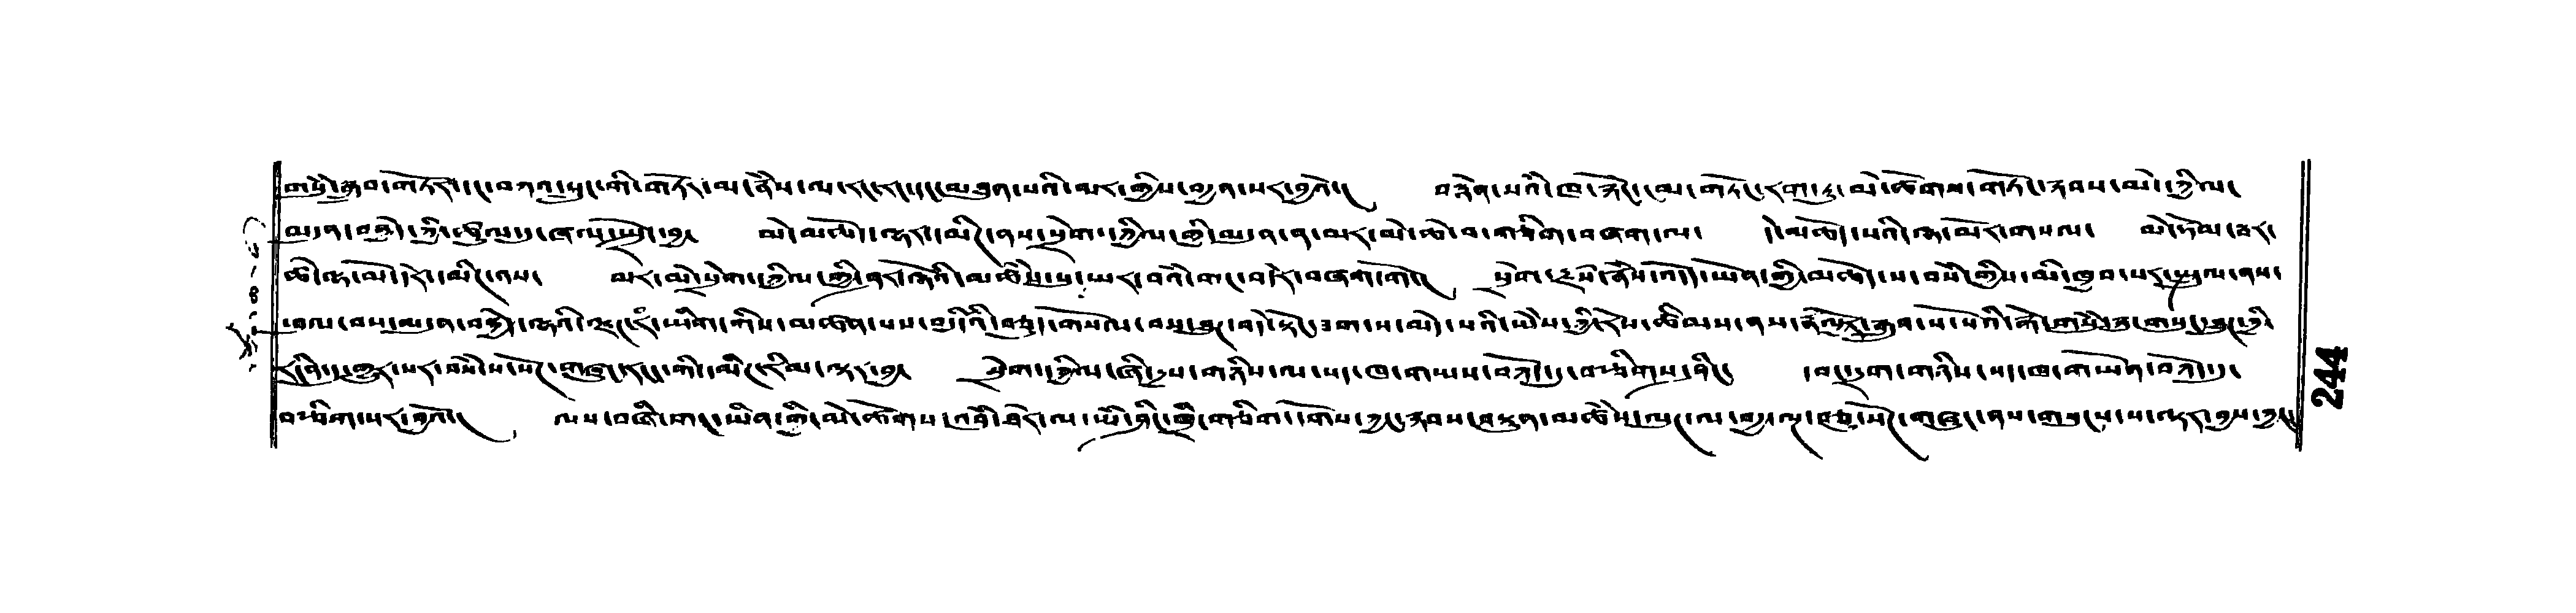གསུམ་སྒྲུབ་གཏོར་དང་བཀའ་སྲུང་གི་གཏོར་མ་རྣམས་ལ་རང་རང་དང་མཐུན་པའི་མར་གྱིས་བརྒྱན་པར་བྱའོ། བསྙེན་པའི་ཁ་སྐོང་ངམ་གཏང་རག་ཏུ་མེ་ཚོགས་གཏོང་སྐབས་མེ་དཀྱིལ་
མདུན་བསྐྱེད་ཀྱི་ཚུལ་དུ་ཞལ་སྤྲོད་བྱ། མེ་མཆོད་ལྷར་དམིགས་ནས་སྲེག་དཀྱིལ་གྱི་མདུན་ན་མར་མེ་ཆེ་བ་གཅིག་བཞག་ལ། དེ་མཆོད་པའི་ལྷ་མོར་གསལ། མེ་ཧོམ་སྦར་
ཚེ་ལྷ་མོ་དེར་དམིགས་ནས། མར་མེ་སྲེག་དཀྱིལ་གྱི་ཤར་ལྷོའི་མཚམས་སུ་སྦར་བའམ་གང་བདེར་བཞག་གོ སྲེག་རྫས་རྣམས་འདོད་ཡོན་གྱི་མཆོད་པ་བསམ་གྱིས་མི་ཁྱབ་པར་སྤྲུལ་ནས་
ཕུལ་བས་མདུན་བསྐྱེད་ལྷའི་ལྗགས་རཾ་ཡིག་གིས་མཚན་པས་བདུད་རྩིའི་བཅུད་གསོལ་བས་ཐུགས་བདེ་སྟོང་ཟག་པ་མེད་པའི་ཡེ་ཤེས་ཀྱི་རོས་ཚིམས་ནས་རྣལ་འབྱོར་སྒྲུབ་པ་པོའི་སྒོ་གསུམ་སྐུ་གསུང་ཐུགས་ཀྱི་
རང་བཞིན་དུ་གྱུར་པར་བསམ་པ་སོགས་གཞུང་རང་རང་གི་དམིགས་རིམ་ལྟར་བྱ། སྲེག་དཀྱིལ་ཞི་རྒྱས་གཉིས་ལ་པད་ཁ་གཡས་བཀོད་དུ་བརྩིགས་ཤིང་། དབང་དྲག་གཉིས་སད་ཁ་གཡོན་བཀོད་དུ་
བརྩིག་པར་བྱའོ། ལས་བཞི་གང་ཡིན་གྱི་མེ་ཚོགས་འབུམ་ཐེར་ལ་ཡམ་ཤིང་ཁྲི་གཅིག་དགོས་ཀྱང་སྐབས་བསྟུན་མཚམས་ལུགས་ལ་བརྒྱ་ལྔ་བཅུ་སོགས་གཞུང་ནས་གསུངས་པ་ལྟར་བྱས་ཀྱང་